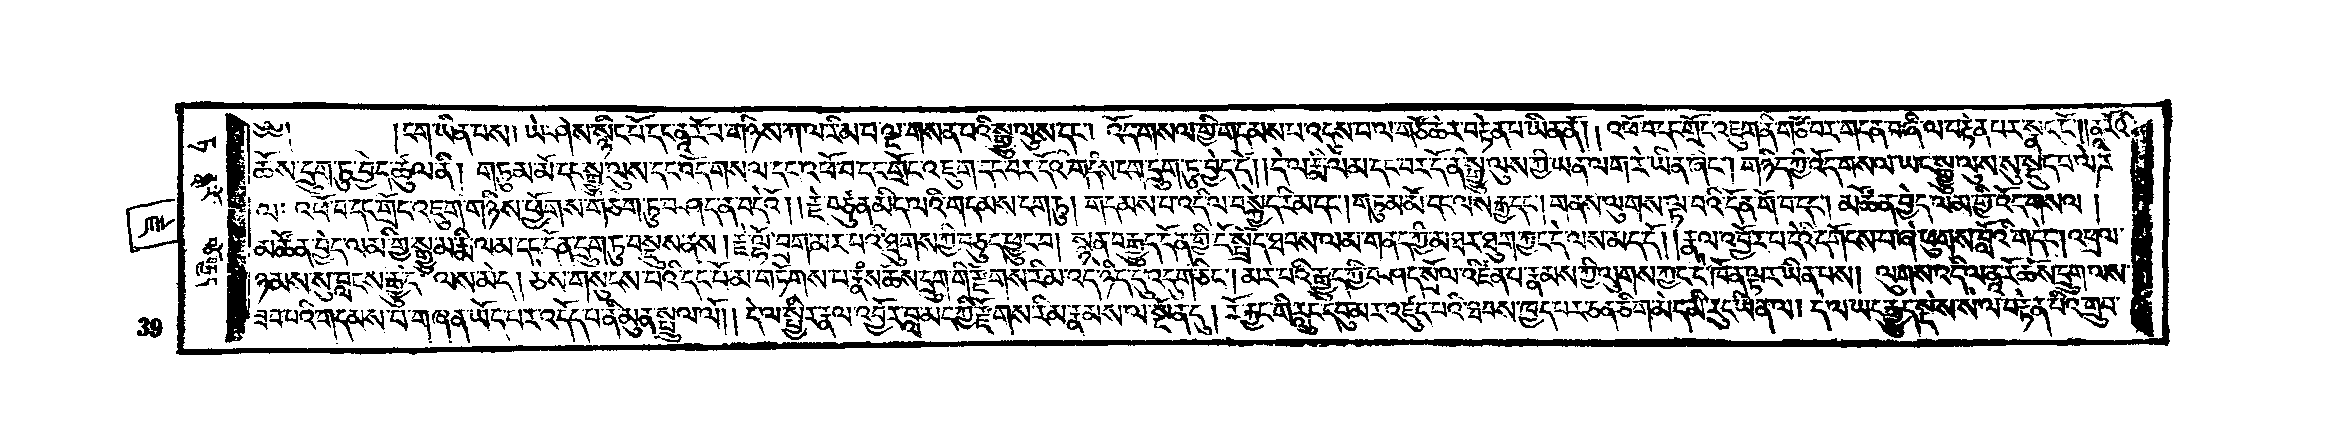༄༅། །ངག་ཡིན་པས། ཡེ་ཤེས་སྙིང་པོ་དང་ནཱ་རོ་པ་གཉིས་ཀ་ལ་རིམ་པ་ལྔ་གསན་པའི་སྒྱུ་ལུས་དང་། འོད་གསལ་གྱི་གདམས་པ་འདུས་པ་ལ་གཙོ་ཆེར་བརྟེན་པ་ཡིན་ནོ། །འཕོ་བ་དང་གྲོང་འཇུག་ནི་གཙོ་བོར་གདན་བཞི་ལ་བརྟེན་པར་སྣང་ངོ། །ནཱ་རོའི་
ཆོས་དྲུག་ཏུ་བྱེད་ཚུལ་ནི། གཏུམ་མོ་དང་སྒྱུ་ལུས་དང་འོད་གསལ་དང་འཕོ་བ་དང་གྲོང་འཇུག་དང་བར་དོའི་གདམས་ངག་དྲུག་ཏུ་བྱེད་དོ། །དེ་ལ་རྨི་ལམ་དང་བར་དོ་ནི་སྒྱུ་ལུས་ཀྱི་ཡན་ལག་རེ་ཡིན་ཞིང་། གཉིད་ཀྱི་འོད་གསལ་ཡང་སྒྱུ་ལུས་སུ་སྡུད་པ་ལེགས་
ལ། འཕོ་བ་དང་གྲོང་འཇུག་གཉིས་ཕྱོགས་གཅིག་ཏུ་བཤད་ན་བདེའོ། །རྗེ་བཙུན་མིད་ལའི་གདམས་ངག་ཏུ། གདམས་པ་འདི་ལ་བསྐྱེད་རིམ་དང་། གཏུམ་མོ་དང་ལས་རྒྱ་དང་། གནས་ལུགས་ལྟ་བའི་དོན་གེ་བ་དང་། མཚོན་བྱེད་ལམ་གྱི་འོད་གསལ།
མཚོན་བྱེད་ལམ་གྱི་སྒྱུ་མ་རྨི་ལམ་དང་དོན་དྲུག་ཏུ་བསྡུས་ནས། རྗེ་ལྷོ་བྲག་མར་པའི་ཐུགས་ཀྱི་བཅུད་ཕྱུང་བ། སྙན་བརྒྱུད་དོན་གྱི་ངོ་སྤྲོད་ཐབས་ལམ་གནད་ཀྱི་མཐར་ཐུག་ཀྱང་དེ་ལས་མེད་དོ། །རྣལ་འབྱོར་པ་དེའི་དགོངས་པ་ཞེ་ཕུགས་བློའི་གདེང་། འཕྲལ་
ཉམས་སུ་བླངས་རྒྱུ་དེ་ལས་མེད། ཅེས་གསུངས་པའི་དང་པོ་མ་གཏོགས་པ་རྣམས་ཆོས་དྲུག་གི་རྫོགས་རིམ་འདི་ཉིད་དུ་འདུག་ཅིང་། མར་པའི་རྒྱུད་ཀྱི་བཤད་སྲོལ་འཛིན་པ་རྣམས་ཀྱི་ལུགས་ཀྱང་དེ་ཁོ་ན་ལྟར་ཡིན་པས། ལུགས་འདི་ལ་ནཱ་རོ་ཆོས་དྲུག་ལས་
ཟབ་པའི་གདམས་པ་གཞན་ཡོད་པར་འདོད་པ་ནི་མུན་སྤྲུལ་ལོ། །དེ་ལ་སྤྱིར་རྣལ་འབྱོར་བླ་མེད་ཀྱི་རྫོགས་རིམ་རྣམས་ལ་སྔོན་དུ། རོ་རྐྱང་གི་རླུང་དབུ་མར་འཛུད་པའི་ཐབས་ཁྱད་པར་ཅན་ཅིག་མེད་མི་རུང་ཡིན་ལ། དེ་ལ་ཡང་རྒྱུད་སྡེ་ས་སེ་ལ་བརྟེན་པའི་གྲུབ་